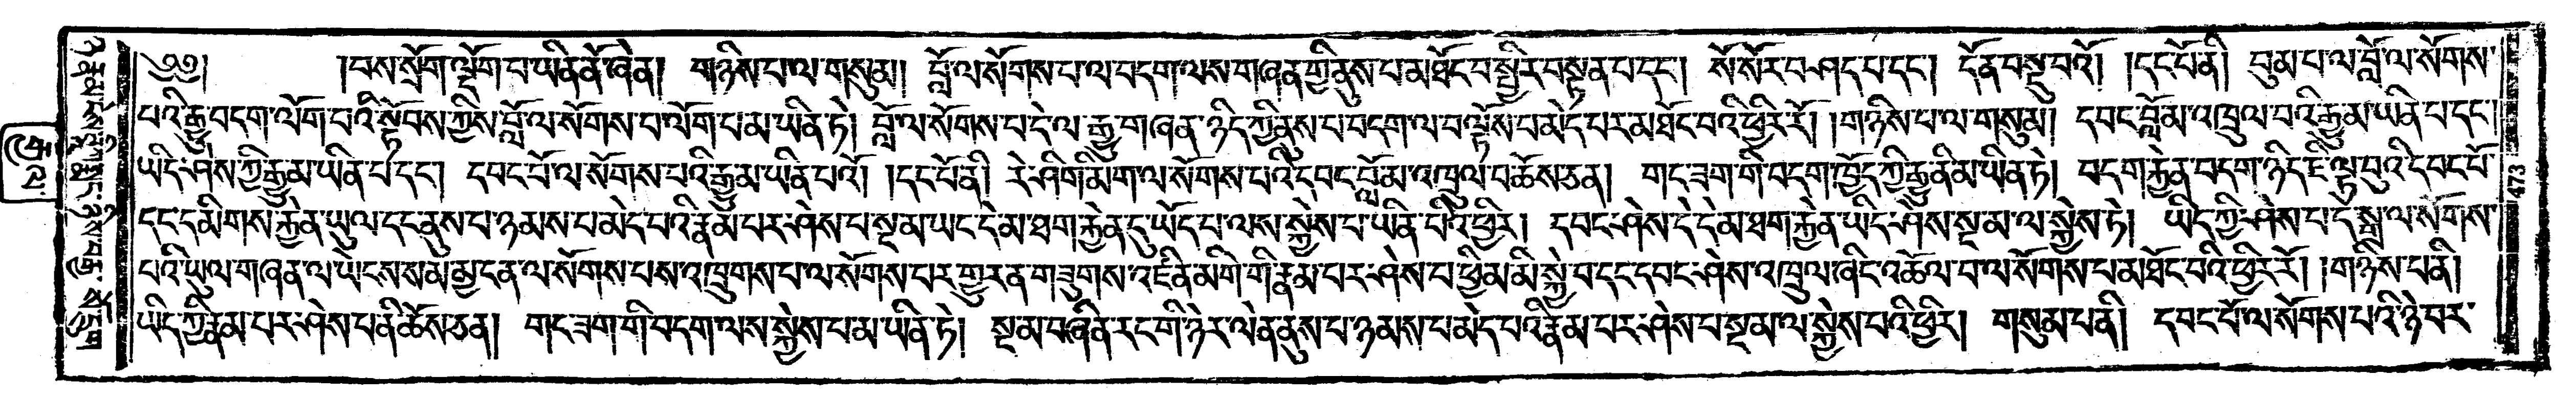༄༅། །བས་སྲོག་ལྡོག་པ་ཡིན་ནོ་ཞེ་ན། གཉིས་པ་ལ་གསུམ། བློ་ལ་སོགས་པ་ལ་བདག་ལས་གཞན་གྱི་ནུས་པ་མཐོང་བ་སྤྱིར་བསྟན་པ་དང་། སོ་སོར་བཤད་པ་དང་། དོན་བསྡུ་བའོ། །དང་པོ་ནི། བུམ་པ་ལ་བློ་ལ་སོགས་
པའི་རྒྱུ་བདག་ལོག་པའི་སྟོབས་ཀྱིས་བློ་ལ་སོགས་པ་ལོག་པ་མ་ཡིན་ཏེ། བློ་ལ་སོགས་པ་དེ་ལ་རྒྱུ་གཞན་ཉིད་ཀྱི་ནུས་པ་བདག་ལ་བལྟོས་པ་མེད་པར་མཐོང་བའི་ཕྱིར་རོ། །གཉིས་པ་ལ་གསུམ། དབང་བློ་མ་འཁྲུལ་བའི་རྒྱུ་མ་ཡིན་པ་དང་།
ཡིད་ཤེས་ཀྱི་རྒྱུ་མ་ཡིན་པ་དང་། དབང་པོ་ལ་སོགས་པའི་རྒྱུ་མ་ཡིན་པའོ། །དང་པོ་ནི། རེ་ཤིག་མིག་ལ་སོགས་པའི་དབང་བློ་མ་འཁྲུལ་བ་ཆོས་ཅན། གང་ཟག་གི་བདག་ཁྱོད་ཀྱི་རྒྱུ་ནི་མ་ཡིན་ཏེ། བདག་རྐྱེན་བདག་ཉིད་ཇི་ལྟ་བུའི་དབང་པོ་
དང་དམིགས་རྐྱེན་ཡུལ་དང་ནུས་པ་ཉམས་པ་མེད་པའི་རྣམ་པར་ཤེས་པ་སྔ་མ་ཡང་དེ་མ་ཐག་རྐྱེན་དུ་ཡོད་པ་ལས་སྐྱེས་པ་ཡིན་པའི་ཕྱིར། དབང་ཤེས་དེ་དེ་མ་ཐག་རྐྱེན་ཡིད་ཤེས་སྔ་མ་ལ་སྐྱེས་ཏེ། ཡིད་ཀྱི་ཤེས་པ་དེ་སྒྲ་ལ་སོགས་
པའི་ཡུལ་གཞན་ལ་ཡེངས་སམ་མྱ་ངན་ལ་སོགས་པས་འཁྲུགས་པ་ལ་སོགས་པར་གྱུར་ན་གཟུགས་འཛིན་མིག་གི་རྣམ་པར་ཤེས་པ་ཕྱི་མ་མི་སྐྱེ་བ་དང་དབང་ཤེས་འཁྲུལ་ཞིང་འཆོལ་བ་ལ་སོགས་པ་མཐོང་བའི་ཕྱིར་རོ། །གཉིས་པ་ནི།
ཡིད་ཀྱི་རྣམ་པར་ཤེས་པ་ནི་ཆོས་ཅན། གང་ཟག་གི་བདག་ལས་སྐྱེས་པ་མ་ཡིན་ཏེ། སྔ་མ་བཞིན་རང་གི་ཉེར་ལེན་ནུས་པ་ཉམས་པ་མེད་པའི་རྣམ་པར་ཤེས་པ་སྔ་མ་ལ་སྐྱེས་པའི་ཕྱིར། གསུམ་པ་ནི། དབང་པོ་ལ་སོགས་པའི་ཉེ་བར་